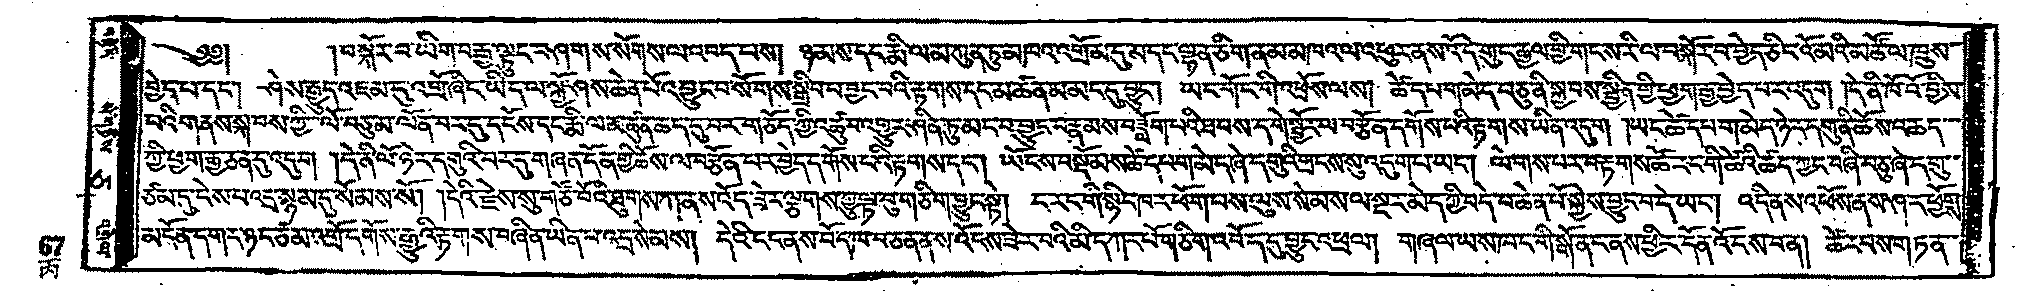༄༅། །བསྐོར་བ་ཡིག་བརྒྱ་ལྟུང་བཤགས་སོགས་ལ་འབད་པས། ཉམས་དང་རྨི་ལམ་ཀུན་ཏུ་མཁའ་འགྲོ་མ་དུ་མ་དང་ལྷན་ཅིག་ནམ་མཁའ་ལ་འཕུར་ནས་འོ་དེ་གུང་རྒྱལ་གྱི་གངས་རི་ལ་བསྐོར་བ་བྱེད་ཅིང་འོ་མའི་མཚོ་ལ་ཁྲུས་
བྱེད་པ་དང་། ཤེས་རྒྱུད་འཇམ་དུ་འགྲོ་ཞིང་ཡིད་ལ་སྐྱོ་ཤས་ཆེན་པོ་འབྱུང་བ་སོགས་སྒྲིབ་པ་བྱང་བའི་རྟགས་དང་མཚན་མ་མང་དུ་བྱུང་། ཡང་གོང་གི་འཕྲོས་ལས། ཚེ་དཔག་མེད་བཅུ་ནི་སྐྱབས་སྦྱིན་གྱི་ཕྱག་རྒྱ་བྱེད་པར་འདུག །དེ་ནི་ཁོ་བོ་བྱིས་
པའི་གནས་སྐབས་ཀྱི་ལོ་བཅུ་མ་ལོན་བར་དུ་དངོས་དང་རྨི་ལམ་ཚུན་ཆད་དུ་བར་གཅོད་ཀྱི་འཚུབ་འགྱུར་ཤིན་ཏུ་མང་བ་བྱུང་བ་རྣམས་བཟློག་པའི་ཐབས་དགེ་སྦྱོར་ལ་བརྩོན་དགོས་པའི་རྟགས་ཡིན་འདུག །ཡང་ཚེ་དཔག་མེད་ཉེར་དགུ་ནི་ཆོས་འཆད་
ཀྱི་ཕྱག་རྒྱ་ཅན་དུ་འདུག །དེ་ནི་ལོ་ཉེར་དགུའི་བར་དུ་གཞན་དོན་གྱི་ཆོས་ལ་བརྩོན་པར་བྱེད་དགོས་པའི་རྟགས་དང་། ཡོངས་བསྡོམས་ཚེ་དཔག་མེད་ཞེ་དགུའི་གྲངས་སུ་འདུག་པ་ཡང་། ལེགས་པར་བརྟགས་ཚེ་རང་གི་ཚེའི་ཚད་ཀྱང་བཞི་བཅུ་ཞེ་དགུ་
ཙམ་དུ་ངེས་པ་འདྲ་སྙམ་དུ་སོམས་སོ། །དེའི་རྗེས་སུ་གཙོ་བོའི་ཐུགས་ཀ་ནས་འོད་ཟེར་ལྕགས་ཀྱུ་ལྟ་བུ་གཅིག་བྱུང་སྟེ། ང་རང་གི་སྙིང་ཁར་ཕོག་པས་ལུས་སེམས་ལ་སྔར་མེད་ཀྱི་བདེ་བ་ཆེན་པོ་སྐྱེས་བྱུང་བ་དེ་ཡང་། འདི་ནས་འཕོས་ནས་ཤར་ཕྱོགས་
མངོན་དགར་ཉང་ཙམ་འགྲོ་དགོས་རྒྱུའི་རྟགས་བཞིན་ཡིན་པ་འདྲ་སེམས། དེའི་ངང་ནས་བོད་ཁ་བ་ཅན་ནས་འོངས་ཟེར་བའི་མི་དཀར་པོ་གཅིག་འབོད་དུ་བྱུང་འཕྲལ། གཞལ་ཡས་ཁང་གི་སྒོ་ནང་ནས་ཕྱིར་དོན་འོངས་བ་ན། ཚེ་རབས་གཏན་